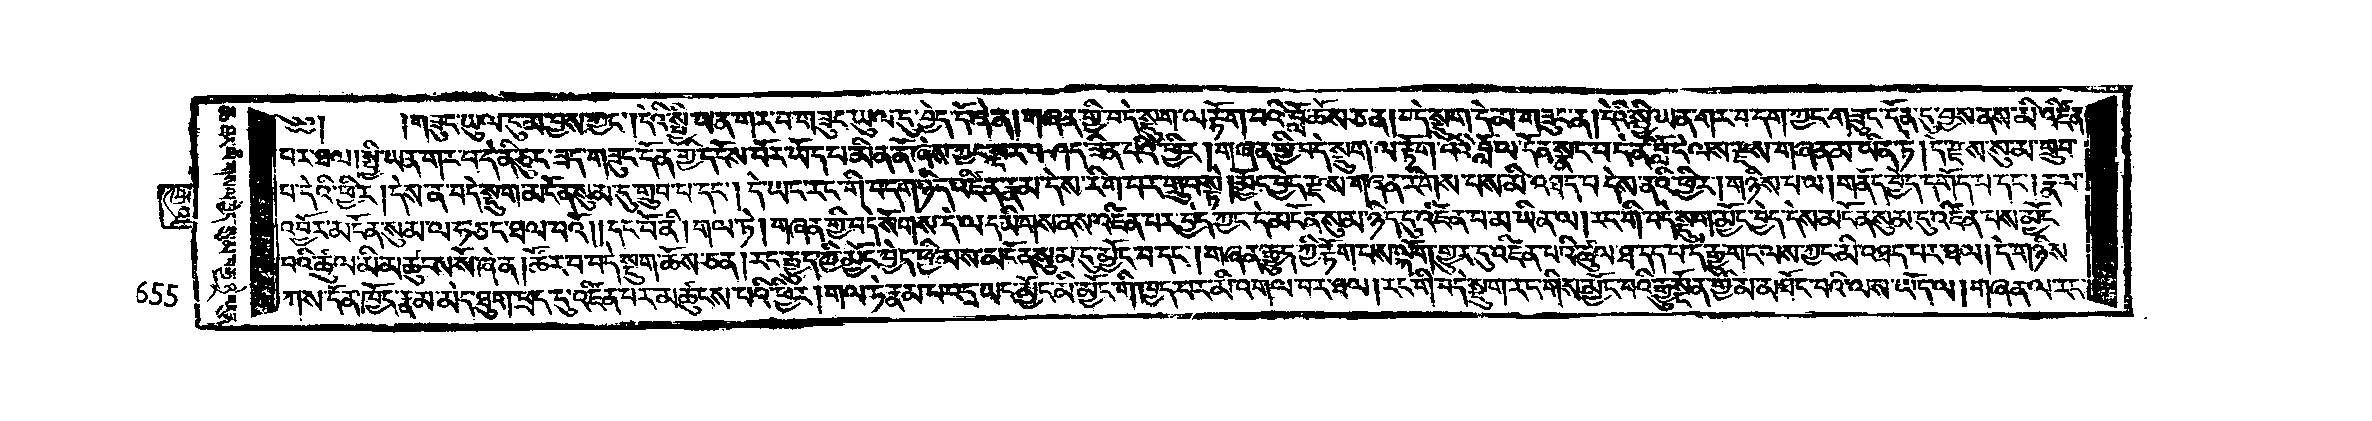༄༅། །གཟུང་ཡུལ་དུ་མ་བྱས་ཀྱང་། དེའི་སྤྱི་ཡན་གར་བ་གཟུང་ཡུལ་དུ་བྱེད་དོ་ཞེ་ན། གཞན་གྱི་བདེ་སྡུག་ལ་རྟོག་པའི་བློ་ཆོས་ཅན། བདེ་སྡུག་དེ་མ་གཟུང་ན། དེའི་སྤྱི་ཡན་གར་བ་དག་ཀྱང་གཟུང་དོན་དུ་བྱས་ནས་མི་འཛིན་
པར་ཐལ། སྤྱི་ཡན་གར་བ་དེ་ནི་ཅུང་ཟད་གཟུང་དོན་གྱི་དངོས་པོར་ཡོད་པ་མིན་ནོ་ཞེས་ཀྱང་སྔར་བཤད་ཟིན་པའི་ཕྱིར། གཞན་གྱི་བདེ་སྡུག་ལ་རྟོག་པའི་བློ་ལ་དོན་སྣང་བ་དེ་ནི་བློ་དེ་ལས་རྫས་གཞན་མ་ཡིན་ཏེ། དེ་རྫས་སུ་མ་གྲུབ་
པ་དེའི་ཕྱིར། དེས་ན་བདེ་སྡུག་མངོན་སུམ་དུ་གྲུབ་པ་དང་། དེ་ཡང་རང་གི་བདག་ཉིད་འཛིན་རྣམ་དེས་རིག་པར་གྲུབ་སྟེ། མྱོང་བྱེད་རྫས་གཞན་རིགས་པས་མི་འཐད་པ་དེས་ནའི་ཕྱིར། གཉིས་པ་ལ། གནོད་བྱེད་དགོད་པ་དང་། རྣལ་
འབྱོར་མངོན་སུམ་ལ་ཧ་ཅང་ཐལ་བའོ། །དང་པོ་ནི། གལ་ཏེ། གཞན་གྱི་བདེ་སོགས་དེ་ལ་དམིགས་ནས་འཛིན་པར་བྱེད་ཀྱང་དེ་མངོན་སུམ་ཉིད་དུ་འཛིན་པ་མ་ཡིན་ལ། རང་གི་བདེ་སྡུག་མྱོང་བྱེད་དེས་མངོན་སུམ་དུ་འཛིན་པས་མྱོང་
བའི་ཚུལ་མི་མཚུངས་སོ་ཞེ་ན། ཚོར་བ་བདེ་སྡུག་ཆོས་ཅན། རང་རྒྱུད་ཀྱི་མྱོང་བྱེད་ཕྱི་མས་མངོན་སུམ་དུ་མྱོང་བ་དང་། གཞན་རྒྱུད་ཀྱི་རྟོག་པས་ལྐོག་གྱུར་དུ་འཛིན་པའི་ཚུལ་ཐ་དད་པ་དེ་རྒྱུ་གང་ལས་ཀྱང་མི་འཐད་པར་ཐལ། དེ་གཉིས་
ཀས་དོན་ཁྱོད་རྣམ་མེད་ཐུག་ཕྲད་དུ་འཛིན་པར་མཚུངས་པའི་ཕྱིར། གལ་ཏེ་རྣམ་པ་འདྲ་ཡང་མྱོང་མི་མྱོང་གི་ཁྱད་པར་མི་འགལ་བར་ཐལ། རང་གི་བདེ་སྡུག་རང་གིས་མྱོང་བའི་རྒྱུ་སྔོན་གྱི་མ་མཐོང་བའི་ལས་ཡོད་ལ། གཞན་ལ་རང་